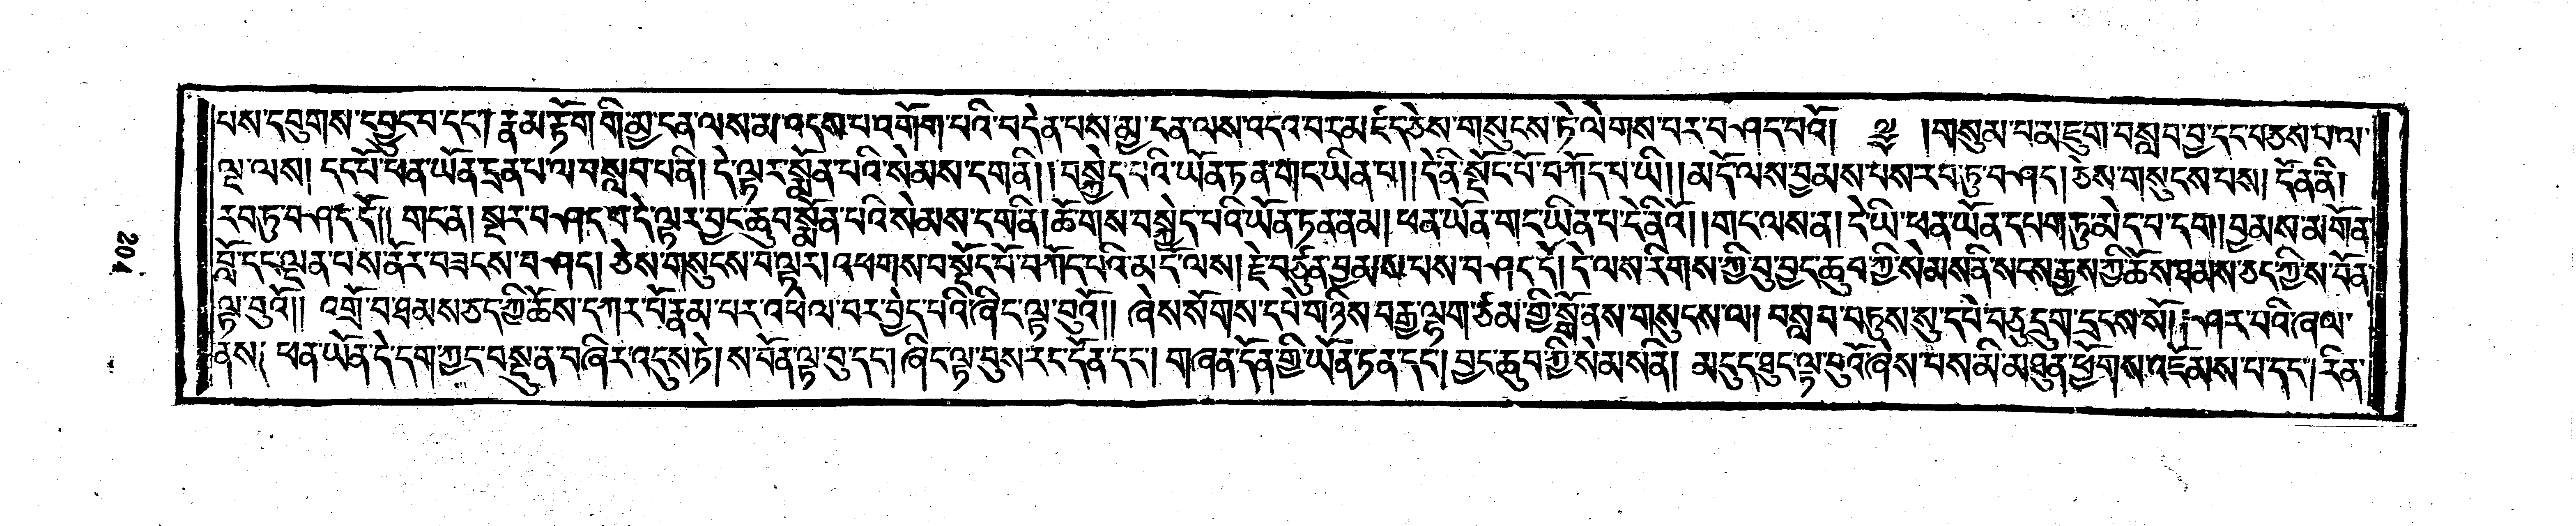པས་དབུགས་དབྱུང་བ་དང་། རྣམ་རྟོག་གི་མྱ་ངན་ལས་མ་འདས་པ་འགོག་པའི་བདེན་པས་མྱ་ངན་ལས་འདའ་བར་མཛད་ཅེས་གསུངས་ཏེ་ལེགས་པར་བཤད་པའོ། ༈ །གསུམ་པ་མཇུག་བསླབ་བྱ་དང་བཅས་པ་ལ་
ལྔ་ལས། དང་པོ་ཕན་ཡོན་དྲན་པ་ལ་བསླབ་པ་ནི། དེ་ལྟར་སྨོན་པའི་སེམས་དག་ནི། །བསྐྱེད་པའི་ཡོན་ཏན་གང་ཡིན་པ། །དེ་ནི་སྡོང་པོ་བཀོད་པ་ཡི། །མདོ་ལས་བྱམས་པས་རབ་ཏུ་བཤད། ཅེས་གསུངས་པས། དོན་ནི།
རབ་ཏུ་བཤད་དོ། །གང་ན། སྔར་བཤད་པ་དེ་ལྟར་བྱང་ཆུབ་སྨོན་པའི་སེམས་དག་ནི། ཆོ་གས་བསྐྱེད་པའི་ཡོན་ཏན་ནམ། ཕན་ཡོན་གང་ཡིན་པ་དེ་ནིའོ། །གང་ལས་ན། དེ་ཡི་ཕན་ཡོན་དཔག་ཏུ་མེད་པ་དག །བྱམས་མགོན་
བློ་དང་ལྡན་པས་ནོར་བཟངས་བཤད། ཅེས་གསུངས་པ་ལྟར། འཕགས་པ་སྡོང་པོ་བཀོད་པའི་མདོ་ལས། རྗེ་བཙུན་བྱམས་པས་བཤད་དེ། དེ་ལས་རིགས་ཀྱི་བུ་བྱང་ཆུབ་ཀྱི་སེམས་ནི་སངས་རྒྱས་ཀྱི་ཆོས་ཐམས་ཅད་ཀྱིས་ས་བོན་
ལྟ་བུའོ། །འགྲོ་བ་ཐམས་ཅད་ཀྱི་ཆོས་དཀར་པོ་རྣམ་པར་འཕེལ་བར་བྱེད་པའི་ཞིང་ལྟ་བུའོ། །ཞེས་སོགས་དཔེ་གཉིས་བརྒྱ་ལྷག་ཙམ་གྱི་སྒོ་ནས་གསུངས་ལ། བསླབ་བཏུས་སུ་དཔེ་བཅུ་དྲུག་དྲངས་སོ། །ཤ་ར་བའི་ཞལ་
ནས། ཕན་ཡོན་དེ་དག་ཀྱང་བསྡུ་ན་བཞིར་འདུས་ཏེ། ས་བོན་ལྟ་བུ་དང་། ཞིང་ལྟ་བུས་རང་དོན་དང་། གཞན་དོན་གྱི་ཡོན་ཏན་དང་། བྱང་ཆུབ་ཀྱི་སེམས་ནི། མདུད་ཐུང་ལྟ་བུའོ་ཞེས་པས་མི་མཐུན་ཕྱོགས་འཇོམས་པ་དང་། རིན་